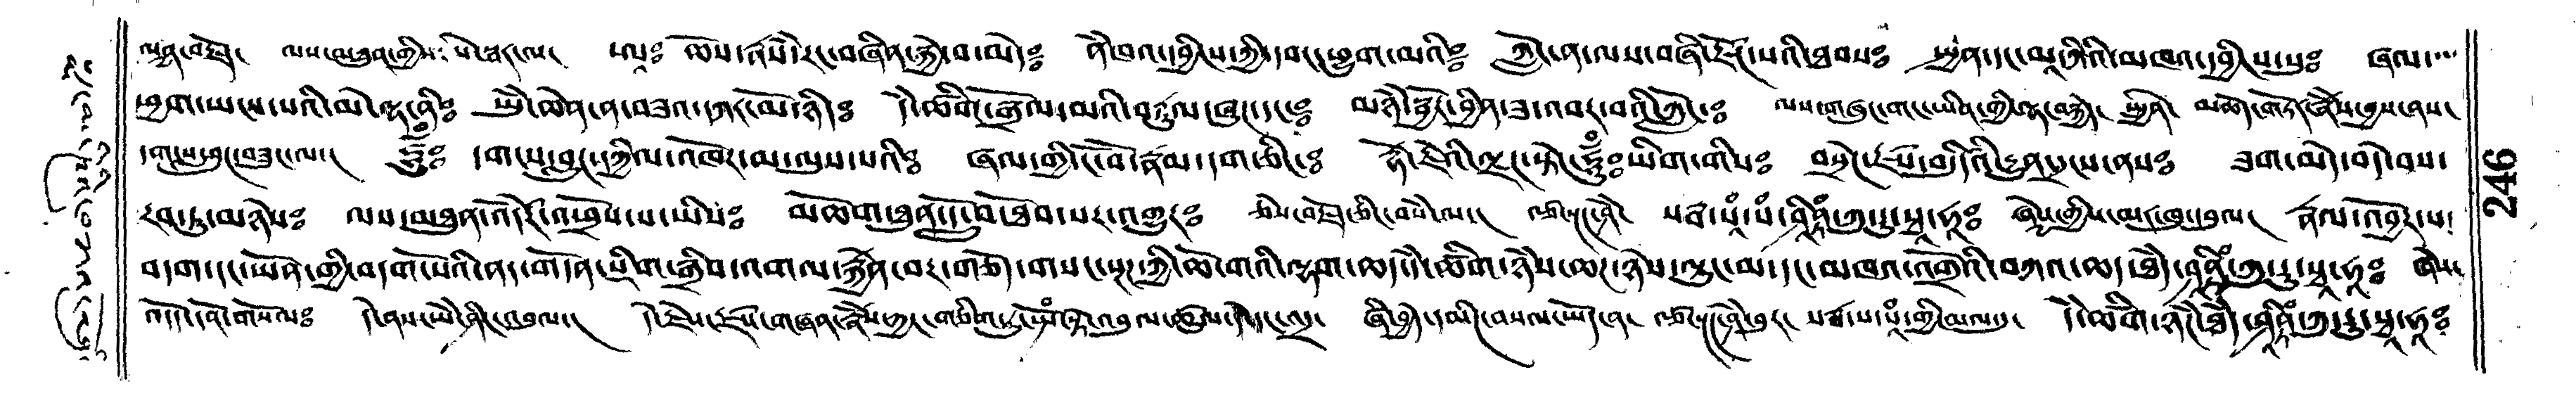ལན་བདུན་བརྗོད། ལས་མཐུན་གྱི་མེ་སྦར་ལ། ཨཱཿ ཆོས་རྣམས་རང་བཞིན་སྐྱེ་བ་མེད༔ ནམ་མཁའ་དབྱིངས་ཀྱི་དབང་ཕྱུག་མའི༔ ཀློང་ན་ལས་བཞི་རྫོགས་པའི་ཐབས༔ སྤྱན་དང་མཱ་ཀིའི་མཁའ་དབྱིངས་སུ༔ ཞལ་
ཕྱག་ཡངས་པའི་མེ་ལྷ་ནི༔ ཡུམ་ཆེན་ན་བཟའ་དཀར་མོ་ཉིད༔ དམ་ཚིག་སྒྲོལ་མའི་བརྟུལ་ཞུགས་དང༔ མཉམ་སྦྱོར་བྱིན་ཟ་འབར་བའི་ཀློང༔ ལས་གཞུང་གང་ཡིན་གྱི་ལྷ་བསྐྱེད། སྤྱན་འདྲེན། མཆོད་གཏོར་རྣམས་བྱས་ནས་
དང་པ་བླུག་བཟུང་ལ།ཧཱུྃ༔ དགང་བླུག་དཀྱིལ་འཁོར་མ་ལུས་པའི༔ ཞལ་གྱི་ངོ་བོ་རྣམ་དག་ཅིང༔ རྡོ་རྗེའི་ལྗགས་སྟེང་ཧཱུྃཿཡིག་གིས༔ སྲེག་རྫས་བདུད་རྩིའི་རྒྱུན་དྲངས་ནས༔ ཟག་མེད་བདེ་བས་
རབ་ཏུ་མཉེས༔ ལས་མཐུན་འོད་ཟེར་འཕྲོས་པ་ཡིས༔ མཆོད་ཐུན་དངོས་གྲུབ་ཐོབ་པར་འགྱུར༔ ཅེས་བརྗོད་ཅིང་བསམ་ལ། རྩ་སྔགས་གཤམ། སརྦ་པཱཾ་པཾ་ཤཱནྟིཾ་ཀུ་རུ་སྭ་ཧཱཿ ཞེས་བདུན་གྱིས་མར་ཁུ་དབུལ། རྣལ་འབྱོར་པ་
བདག་དང་ཡོན་གྱི་བདག་པོའི་ནད་གདོན་སྡིག་སྒྲིབ་འགལ་རྐྱེན་བར་གཅོད་གསང་སྔགས་ཀྱི་ཆོ་གའི་ལྷག་ཆད་དམ་ཚིག་ཉམས་ཆག་ཉེས་ལྟུང་མ་དང་མཁའ་འགྲོའི་བཀའ་ཆད་ཐམས་ཅད་ཤཱནྟིཾ་ཀུ་རུ་སྭ་ཧཱཿ ཞེས་
འདོད་དོན་གསོལ། དེ་ནས་ཡམ་ཤིང་འབུལ། དེ་རྗེས་རྫས་གཞན་རྣམས་ཀྱང་གཅིག་ཏུ་བསྡོམས་ཏེ་འབུལ་ཚུལ་དེ་དང་འདྲ། ཞི་བྱེད་དམིགས་བསལ་ཡོད་ན། རྩ་སྔགས་གཤམ་བུར། སརྦ་པ་པཱཾ་གྱ ི་མལ་དུ། དམ་ཚིག་ཉམས་ཆགས་ཐམས་ཅད་ཤཱནྟིཾ་ཀུ་རུ་སྭ་ཧཱ༔